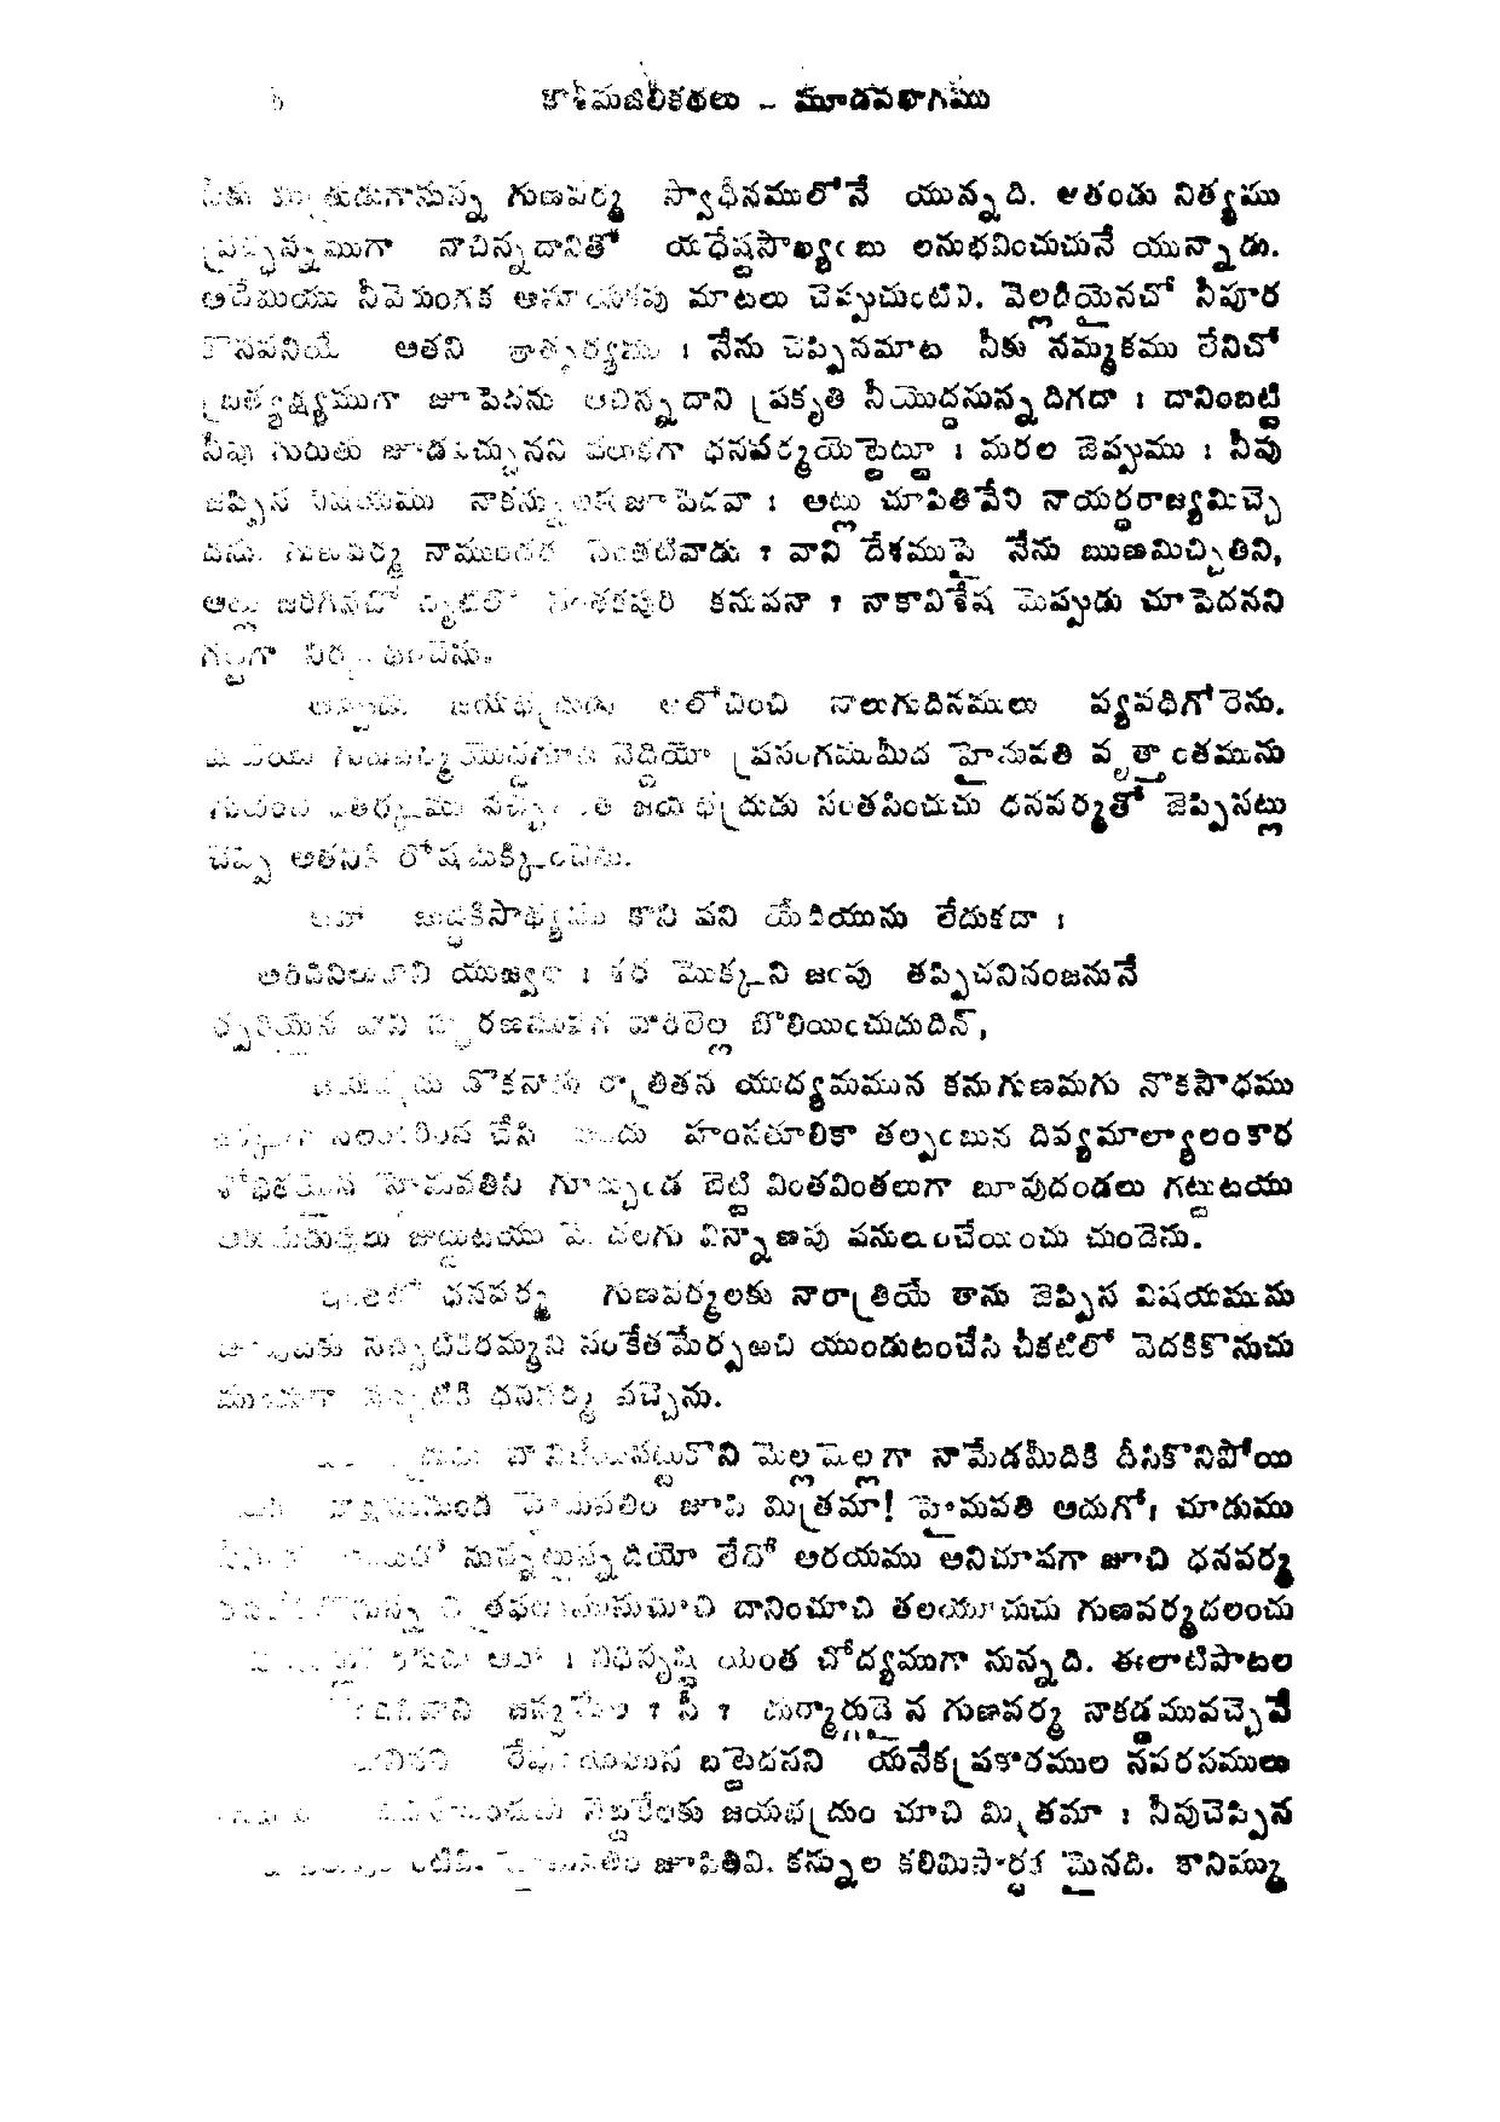నీకు మిత్రుడుగానున్న గుణవర్మ స్వాధీనములోనే యున్నది. అతండు నిత్యము ప్రచ్ఛన్నముగా నాచిన్నదానితో యథేష్టసౌఖ్యంబు లనుభవించుచునే యున్నాడు. అదేమియు నీ వెరుంగక అమాయకపు మాటలు చెప్పుచుంటివి. వెల్లడియైనచో నీవూరకొనవనియే ఆతని తాత్పర్యము! నేను చెప్పినమాట నీకు నమ్మకము లేనిచో బ్రత్యక్ష్యముగా జూపెదను అచిన్ దాని ప్రకృతి నీయొద్దనున్నదిగదా! దానింబట్టి నీవు గురుతు జూడవచ్చునని పలుకగా ధనవర్మయెట్టెట్టూ! మరల జెప్పుము! నీవు జెప్పిన విషయము నాకన్నులకు జూపెదవా? అట్లు చూపితివేని నాయర్ధరాజ్య మిచ్చెదను. గుణవర్మ నాముందర నెంతటివాడు? వాని దేశముపై నేను ఋణమిచ్చితిని. అట్లు జరిగినచో తృటిలో నంతకపురి కనుపనా! నా కావిశేష మెప్పుడు చూపెదనని గట్టిగా నిర్భంధించెను.

అప్పుడు జయభద్రుడు ఆలోచించి నాలుగుదినములు వ్యవధిగోరెను. మఱియు గుణవర్మయొద్దగూడ
నెద్దియో ప్రసంగముమీద హైమవతి వృత్తాంతమును గుఱించి వితర్కము వచ్చినంత జయభద్రుడు సంతసించుచు ధనవర్మతో జెప్పినట్లు చెప్పి అతనికి రోషమెక్కించెను.

ఆహా బుద్ధికిసాధ్యము కాని పని యేదియును లేదుకదా!
అరిదివిలుకాని యుజ్వల, శర మొక్కని జంపు తప్పి చనినం జనునే
నేర్పరియైనవాని స్ఫురణము పగవారలెల్ల బొలియించు దుదిన్.

జయభద్రు డొకనాడు రాత్రి తనయుద్యమమున కనుగుణమగు నొకసౌధము చక్కగా నలంకరింప చేసి అందు హంసతూలికాతల్పంబున దివ్యమాల్యాలంకారశోభితయైన హైమవతిని గూర్చుండ బెట్టి వింతవింతలుగా బూవుదండలు గట్టుటయు ఆకుమడుపులు జుట్టుటయు మొదలగు విన్నాణపు పనులు చేయించుచుండెను.

ఇంతలో ధనవర్మ గుణవర్మలకు నారాత్రియే తాను జెప్పిన విషయమును జూపుటకు నచ్చటికిరమ్మని సంకేత మేర్పఱచి యుండుటంచేసి చీకటిలో వెదకికొనుచు ముందుగా నచ్చటికి ధనవర్మ వచ్చెను.

జయభద్రుడు వానిచేయి పట్టుకొని మెల్లమెల్లగా నామేడమీదికి దీసికొనిపోయి గది గవాక్షమునుండి హైమవతిం జూపి మిత్రమా! హైమవతి అదుగో! చూడుము. నీవద్ద చిత్రములో నున్నట్లున్నదియో లేదో అరయుము అనిచూపగా జూచి ధనవర్మ తనచేతనున్న చిత్రఫలకమును చూచి దానించూచి తలయూచుచు గుణవర్మ దలంచుకొని వెఱచుచు ఆహా! విధిసృష్టి యెంత చోద్యముగా నున్నది. ఈలాటిపాటలగంధిని పొందనివాని జన్మమేల? సీ? దుర్మార్గుడైన గుణవర్మ నాకడ్డమువచ్చెనే. సరియే వానిపని రేపుదయమున బట్టెదనని యనేకప్రకారముల నవరసములు ... ... ... ... నెట్టకేలకు జయభద్రుం చూచి మిత్రమా! నీవుచెప్పిన మాటలు వింటిని. హైమవతిం జూపితివి. కన్నుల కలిమిసార్ధక మైనది. కానిమ్ము